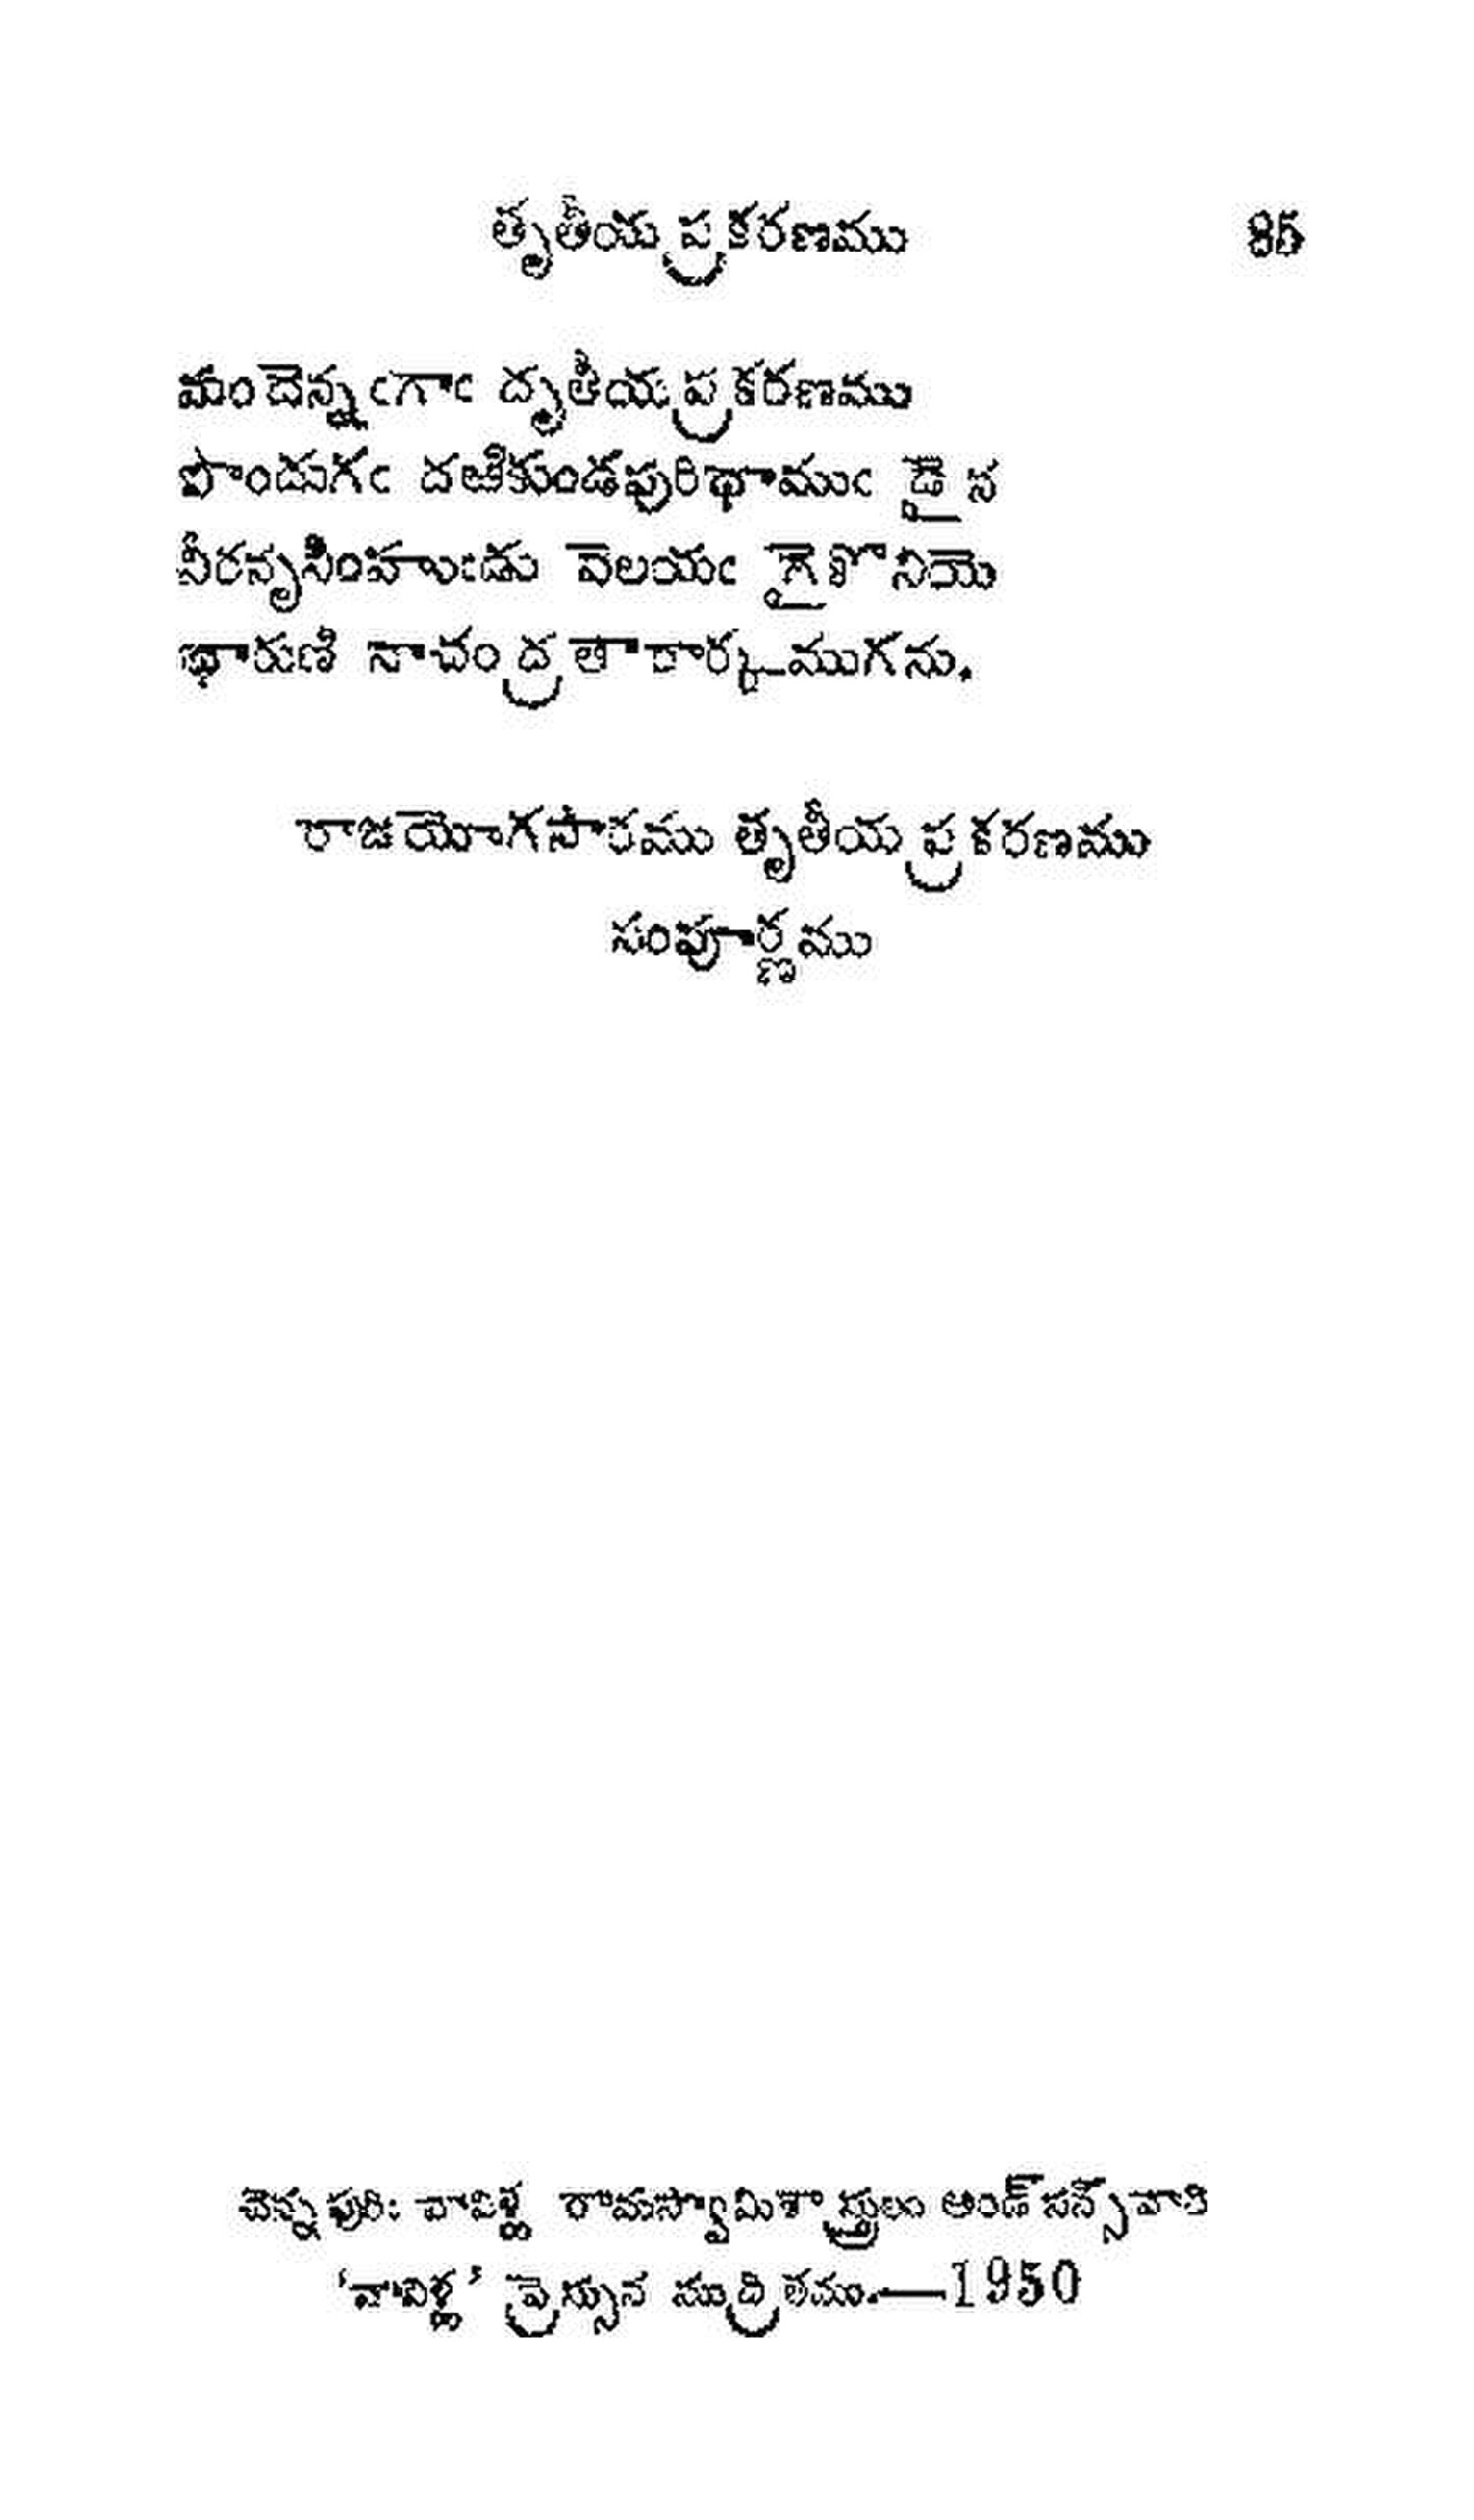మందెన్నఁగాఁ దృతీయప్రకరణము
పొందుగఁ దఱికుండపురిధాముఁ డైన
వీరనృసింహుఁడు వెలయఁ గైకొనియె
ధారుణి నాచంద్రతారార్కముగను.